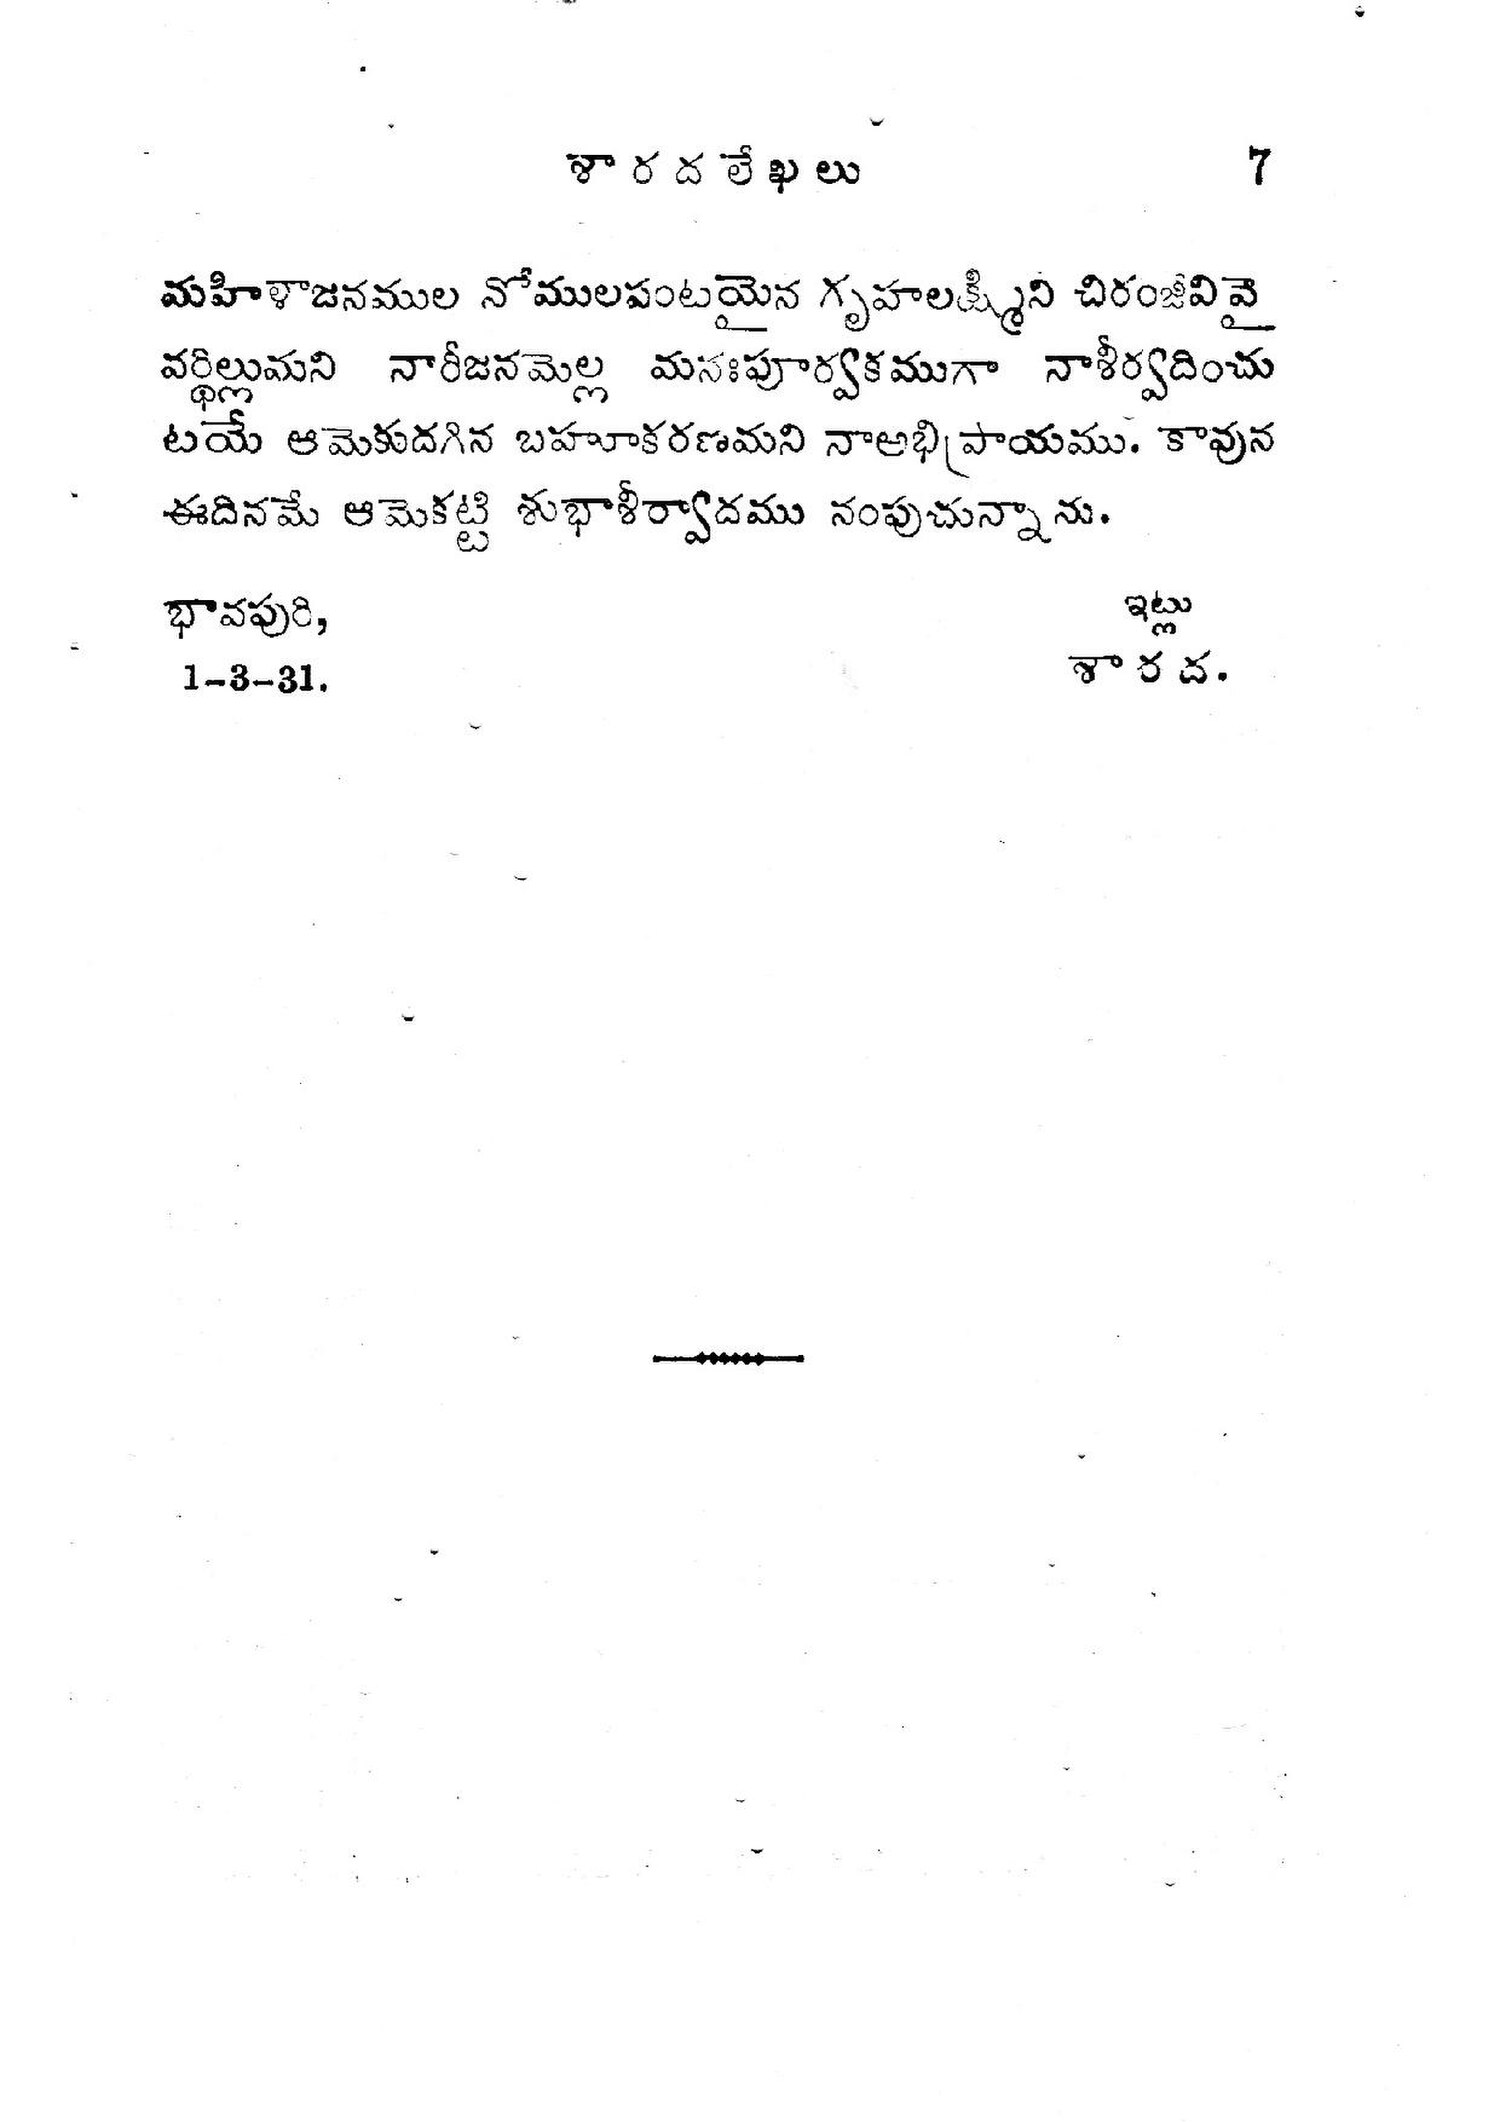మహిళాజనముల నోములపంటయైన గృహలక్ష్మిని చిరంజీవవై 
వర్థిల్లుమని నారీజనమెల్ల మనఃపూర్వకముగా నాశీర్వదించు
టయే ఆమెకుదగిన బహూకరణమని నాఅభిప్రాయము. కావున
ఈదినమే ఆమెకట్టి శుభాశీర్వాదము నంపుచున్నాను.